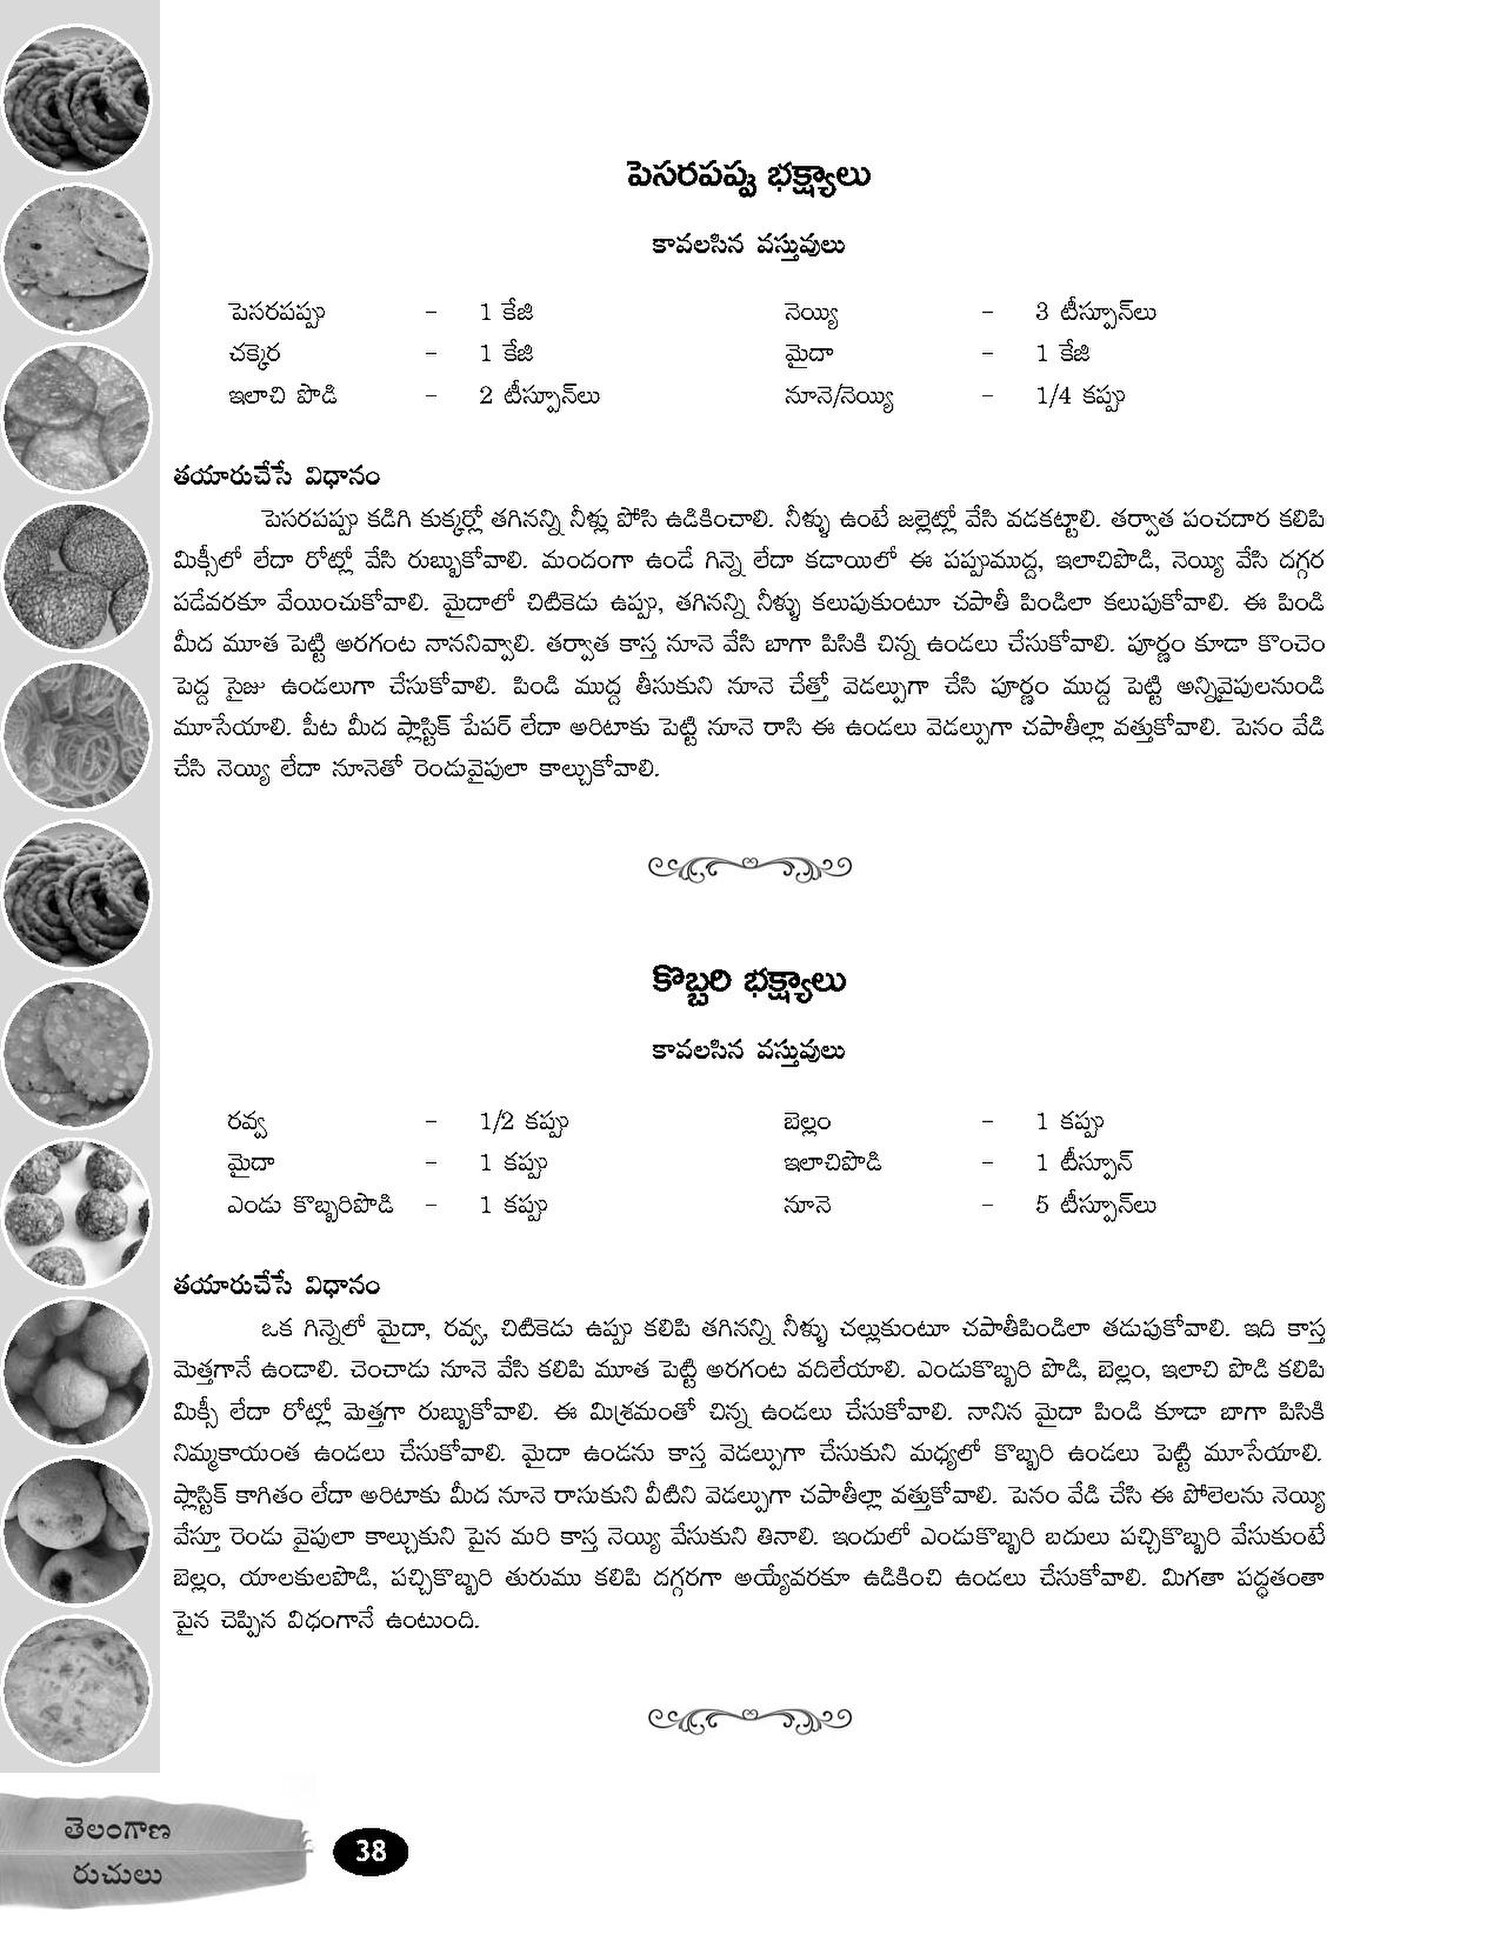+ కావలసిన వస్తువులు పెసరపప్పు 1 కేజి నెయ్యి 3 టీస్పూన్లు చక్కెర 1 కేజి మైదా 1 కేజి ఇలాచి పొడి 2 టీస్పూన్లు నూనె/నెయ్యి 1/4 కప్పు
తయారుచేసే విధానం 

పెసరపప్పు కడిగి కుక్కర్లో తగినన్ని నీళ్లు పోసి ఉడికించాలి. నీళ్ళు ఉంటే జల్లెట్లో వేసి వడకట్టాలి. తర్వాత పంచదార కలిపి మిక్సీలో లేదా రోట్లో వేసి రుబ్బుకోవాలి. మందంగా ఉండే గిన్నె లేదా కడాయిలో ఈ పప్పుముద్ద, ఇలాచిపొడి, నెయ్యి వేసి దగ్గర పడేవరకూ వేయించుకోవాలి. మైదాలో చిటికెడు ఉప్పు, తగినన్ని నీళ్ళు కలుపుకుంటూ చపాతీ పిండిలా కలుపుకోవాలి. ఈ పిండి మీద మూత పెట్టి అరగంట నాననివ్వాలి. తర్వాత కాస్త నూనె వేసి బాగా పిసికి చిన్న ఉండలు చేసుకోవాలి. పూర్ణం కూడా కొంచెం పెద్ద సైజు ఉండలుగా చేసుకోవాలి. పిండి ముద్ద తీసుకుని నూనె చేత్తో వెడల్పుగా చేసి పూర్ణం ముద్ద పెట్టి అన్నివైపులనుండి మూసేయాలి. పీట మీద ప్లాస్టిక్ పేపర్ లేదా అరిటాకు పెట్టి నూనె రాసి ఈ ఉండలు వెడల్పుగా చపాతీల్లా వత్తుకోవాలి. పెనం వేడి చేసి నెయ్యి లేదా నూనెతో రెండువైపులా కాల్చుకోవాలి.

+ కావలసిన వస్తువులు రవ్వ 1/2 కప్పు నెయ్యి 3 టీస్పూన్లు ఎండు కొబ్బరిపొడి 1 కప్పు మైదా 1 కప్పు ఇలాచి పొడి 1 టీస్పూన్లు నూనె 5 టీస్పూన్లు

ఒక గిన్నెలో మైదా, రవ్వ, చిటికెడు ఉప్పు కలిపి తగినన్ని నీళ్ళు చల్లుకుంటూ చపాతీపిండిలా తడుపుకోవాలి. ఇది కాస్త
మెత్తగానే ఉండాలి. చెంచాడు నూనె వేసి కలిపి మూత పెట్టి అరగంట వదిలేయాలి. ఎండుకొబ్బరి పొడి, బెల్లం, ఇలాచి పొడి కలిపి మిక్సీ లేదా రోట్లో మెత్తగా రుబ్బుకోవాలి. ఈ మిశ్రమంతో చిన్న ఉండలు చేసుకోవాలి. నానిన మైదా పిండి కూడా బాగా పిసికి నిమ్మకాయంత ఉండలు చేసుకోవాలి. మైదా ఉండను కాస్త వెడల్పుగా చేసుకుని మధ్యలో కొబ్బరి ఉండలు పెట్టి మూసేయాలి. ప్లాస్టిక్ కాగితం లేదా అరిటాకు మీద నూనె రాసుకుని వీటిని వెడల్పుగా చపాతీల్లా వత్తుకోవాలి. పెనం వేడి చేసి ఈ పోలెలను నెయ్యి వేస్తూ రెండు వైపులా కాల్చుకుని పైన మరి కాస్త నెయ్యి వేసుకుని తినాలి. ఇందులో ఎండుకొబ్బరి బదులు పచ్చికొబ్బరి వేసుకుంటే బెల్లం, యాలకులపొడి, పచ్చికొబ్బరి తురుము కలిపి దగ్గరగా అయ్యేవరకూ ఉడికించి ఉండలు చేసుకోవాలి. మిగతా పద్ధతంతా పైన చెప్పిన విధంగానే ఉంటుంది.